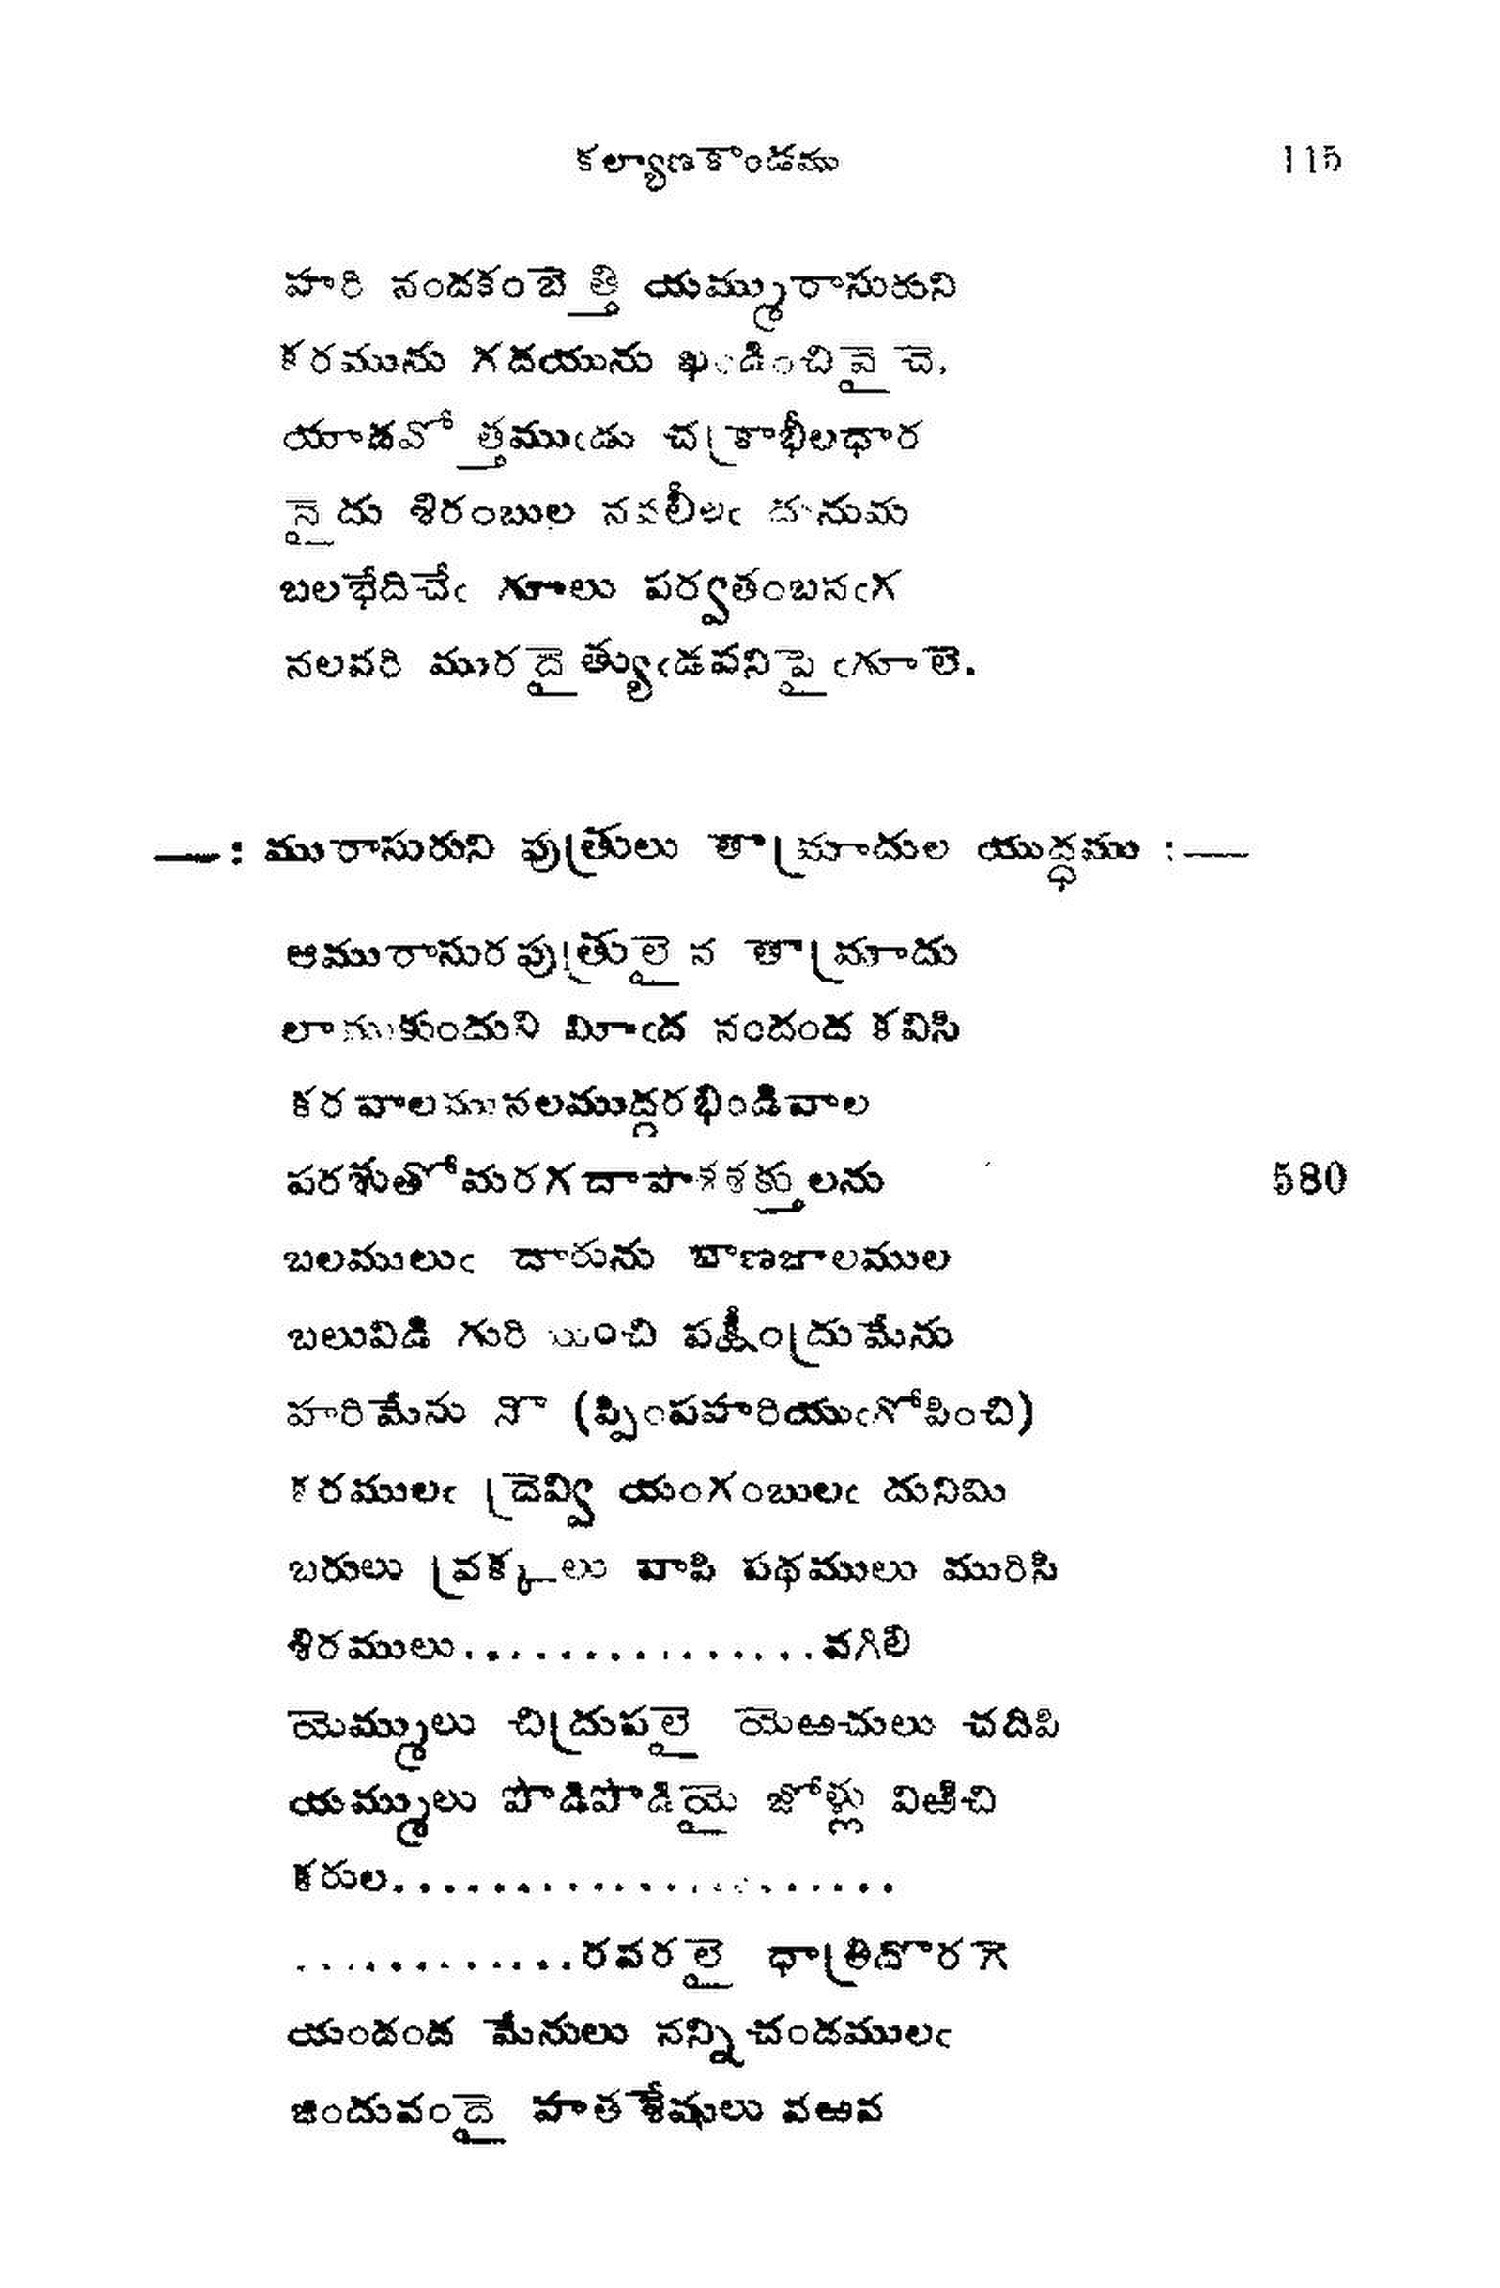హరి నందకంబెత్తి యమ్మురాసురుని
కరమును గదయును ఖండించివైచె. 
యాదవోత్తముఁడు చక్రాభీలధార
నైదు శిరంబుల నవలీలఁ దునుమ
బలభేదిచేఁ గూలు పర్వతం బనఁగ
నలవరి మురదైత్యుఁ డవనిపైఁ గూలె. 

ఆమురాసుర పుత్రులైన తామ్రాదు
లాముకుందుని మీఁద నందంద కవిసి 
కరవాలముసలముద్గరభిండివాల
పరశుతోమరగదాపాశశక్తులను
బలములుఁ దారును బాణజాలముల
బలువిడి గురియించి పక్షీంద్రుమేను
హరిమేను నొ(ప్పింప హరియుఁ గోపించి)
కరములఁ ద్రెవ్వి యంగంబులఁ దునిమి
బరులు వ్రక్కలు వాపి పథములు మురిసి
శిరములు.................పగిలి
యెమ్ములు చిద్రుపలై యెఱచులు చదిపి
యమ్ములు పొడిపొడియై జోళ్లు విఱిచి
కరుల.............................
..................రవరలై ధాత్రి దొరగె
నందంద మేనులు నన్నిచందములఁ
జిందువందై హతశేషులు వఱవ